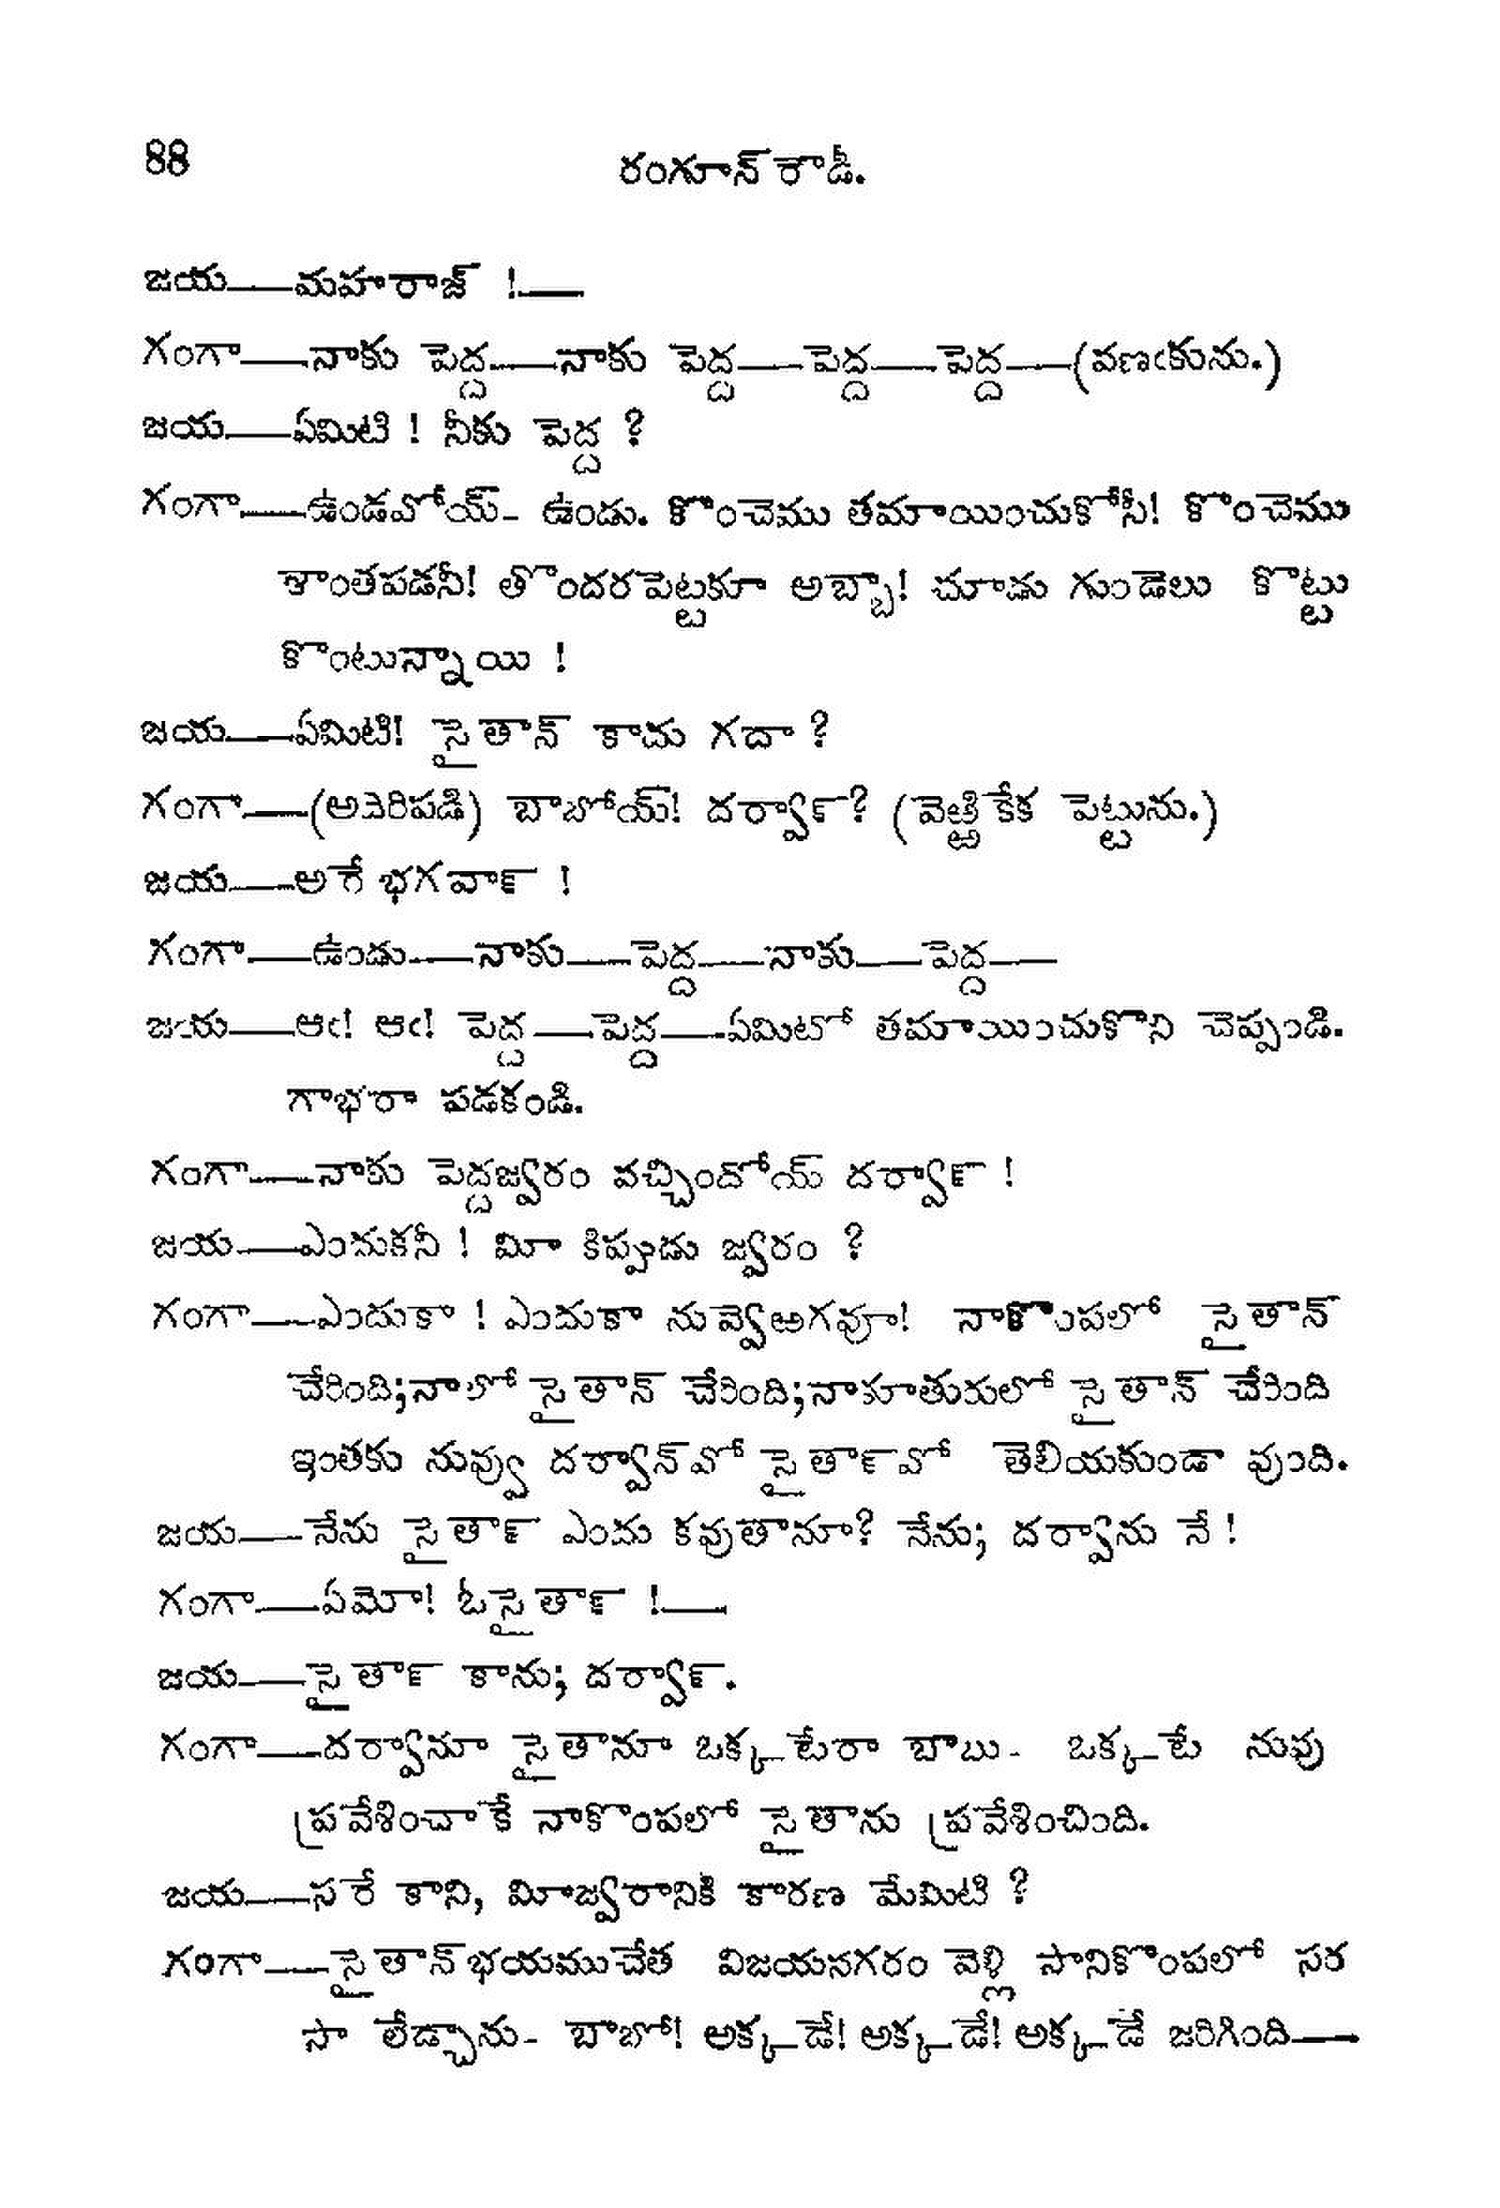జయ - మహారాజ్ !

గంగా - నాకు పెద్ద -- నాకు పెద్ద—-పెద్ద - పెద్ద--(వణఁకును.)

జయ - ఏమిటి ! నీకు పెద్ద?

గంగా - ఉండవోయ్- ఉండు. కొంచెము తమాయించుకోనీ! కొంచెము శాంతపడనీ! తొందరపెట్టకూ అబ్బా! చూడు గుండెలు కొట్టు కొంటున్నాయి !

జయ - ఏమిటి ! సైతాన్ కాదు గదా ?

గంగా - (అదిరిపడి) బాబోయ్! దర్వాన్? (వెఱ్ఱికేక పెట్టును.)

జయ - అరే భగవాన్ !

గంగా - ఉండు. నాకు - పెద్ద --- నాకు - పెద్ద--

జయ - ఆఁ! ఆఁ! పెద్ద – పెద్ద - ఏమిటో తమాయించుకొని చెప్పండి. గాభరా పడకండి.

గంగా -- నాకు పెద్దజ్వరం వచ్చిందోయ్ దర్వాన్ !

జయ - ఎందుకనీ ! మీ కిప్పుడు జ్వరం ?

గంగా - ఎందుకా ! ఎందుకా నువ్వెఱగవూ! నాకొంపలో సైతాన్ చేరింది; నాలో సైతాన్ చేరింది; నాకూతురులో సైతాన్ చేరింది ఇంతకు నువ్వు దర్వాన్ వో సైతాన్ వో తెలియకుండా వుంది.

జయ - నేను సైతాన్ ఎందు కవుతానూ? నేను; దర్వాను నే !

గంగా - ఏమో! ఓసైతాన్!-

జయ - సైతాన్ కాను; దర్వాన్ .

గంగా - దర్వానూ సైతానూ ఒక్కటేరా బాబు. ఒక్కటే నువు ప్రవేశించాకే నాకొంపలో సైతాను ప్రవేశించింది.

జయ -- సరే కాని, మీజ్వరానికి కారణ మేమిటి ?

గంగా -- సైతాన్ భయముచేత విజయనగరం వెళ్లి సానికొంపలో సరసా లేడ్చాను. బాబో! అక్కడే! అక్కడే! అక్కడే జరిగింది. —-